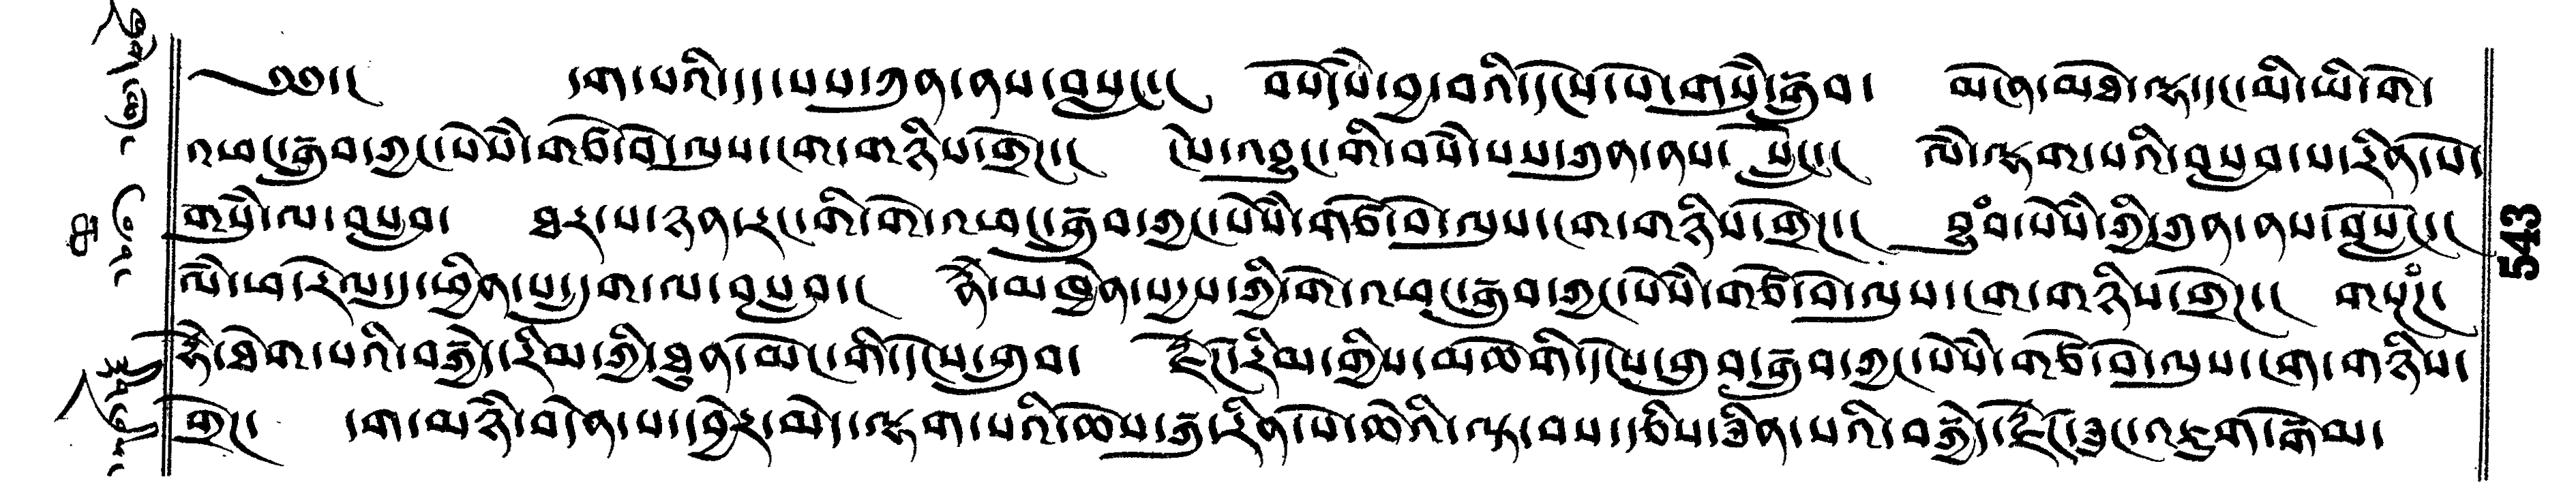དག་པའི་དད་པས་ཀུན་ནས་སློང་། བསོད་ནམས་བྱ་བའི་དངོས་པོ་གསུམ་སྒྲུབ། མངོན་མཐོ་ལྷ་དང་མི་ཡི་གོ་
འཕང་བསྒྲུབ་ཀྱང་སེམས་གཙོ་བོ། ལུས་ངག་གཉིས་གྲོགས། ངེས་འབྱུང་གི་བསམ་པས་ཀུན་ནས་སློང་། ལམ་ལྷག་པའི་བསླབ་པ་རིན་པོ་ཆེ་
གསུམ་ལ་བསླབ། ཐར་པ་ཉན་རང་གི་གོ་འཕང་སྒྲུབ་ཀྱང་སེམས་གཙོ་བོ། ལུས་ངག་གཉིས་གྲོགས། བྱང་ཆུབ་སེམས་ཀྱི་ཀུན་ནས་སློང་། 
ལམ་ཕ་རོལ་དུ་ཕྱིན་པ་དྲུག་ལ་བསླབ། རྣམ་མཁྱེན་སངས་རྒྱས་ཀྱི་གོ་འཕང་བསྒྲུབ་ཀྱང་སེམས་གཙོ་བོ། ལུས་ངག་གཉིས་གྲོགས། གསང་སྔགས་
རྡོ་རྗེ་ཐེག་པའི་བསྐྱེད་རིམ་ཀྱི་ཐུན་མོང་གི་དངོས་གྲུབ། རྫོགས་རིམ་གྱིས་མཆོག་གི་དངོས་གྲུབ་བསྒྲུབ་ཀྱང་སེམས་གཙོ་བོ། ལུས་ངག་གཉིས་
གྲོགས། དག་མཉམ་བདེན་པ་དབྱེར་མེད་ལྷག་པའི་ཆོས་སྐུ་རིན་པོ་ཆེའི་ལྟ་བས་རྩིས་ཟིན་པའི་བསྐྱེད་རྫོགས་ཟུང་འཇུག་བསྒོམ།